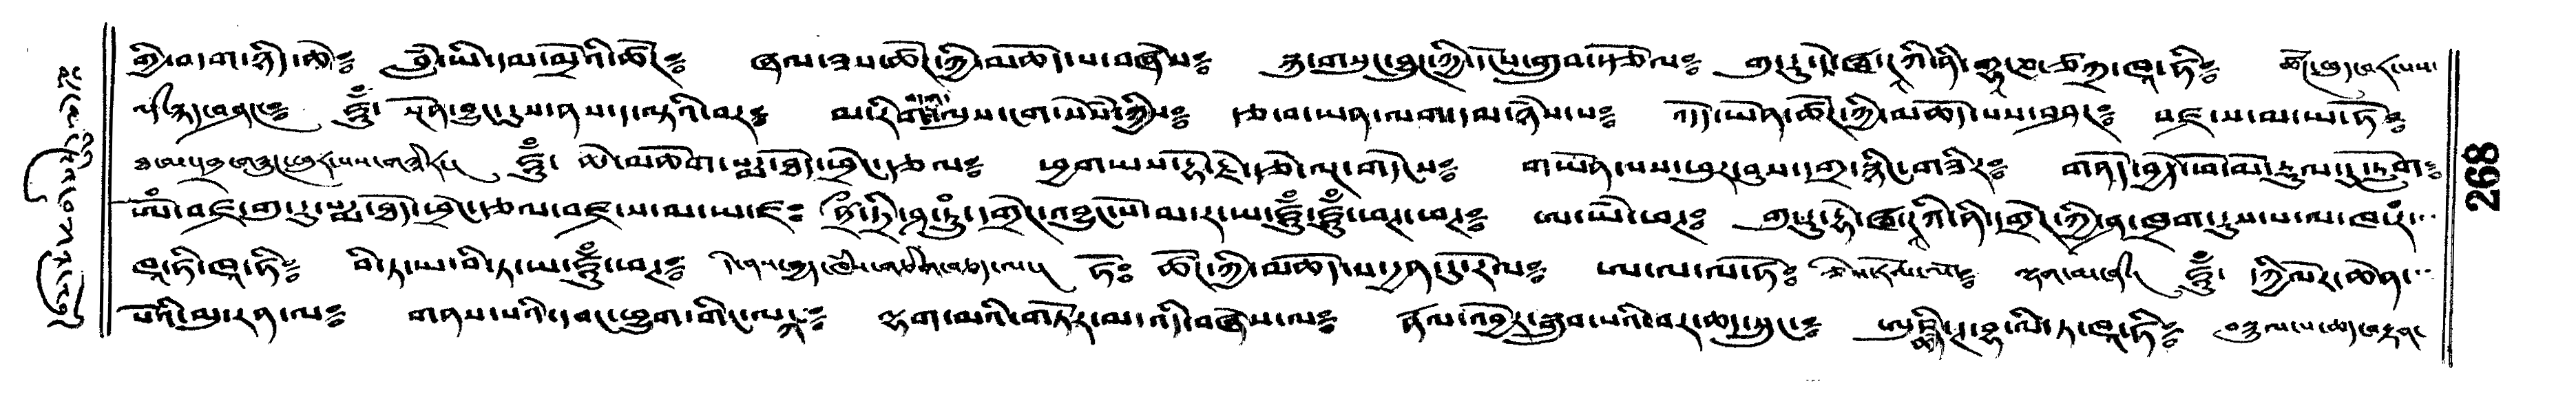གྱི་བདག་ཉིད་ཆེ༔ བླ་མ་ཡི་དམ་མཁའ་འགྲོའི་ཚོགས༔ ཞལ་ཟས་ཚོགས་ཀྱི་མཆོད་པ་བཞེས༔ སྐུ་གསུང་ཐུགས་ཀྱི་དངོས་གྲུབ་སྩོལ༔ གུ་རུ་དཱེ་ཝ་ཌཱ་ཀི་ནི་གྷ་ཎ་ཙཀྲ་ཁཱ་ཧི༔ ཚོགས་ཕུད་བར་བས་
འདི་སྐད་བཤགས། ཧཱུྃ༔ སྔོན་བྱུང་དུས་ནས་ད་ལྟའི་བར༔ མ་རིག་བདག་ལུས་ངག་སེམས་ཀྱིས༔ རྩ་བ་ཡན་ལག་དམ་ཉམས་པ༔ འདོད་ཡོན་ཚོགས་ཀྱི་མཆོད་པས་བཤགས༔ བཛྲ་ས་མ་ཡ་ཧོ༔ 
ཐ་མ་དགྲ་གཟུགས་ཕུར་པས་གཟིར། ཧཱུྃ༔ ཆེ་མཆོག་པདྨ་ཐོད་ཕྲེང་རྩལ༔ ཕྱག་གཡས་རྡོ་རྗེ་རྩེ་ལྔ་གདེངས༔ གཡོན་པས་ཕུར་བུས་དགྲ་སྙིང་གཟིར༔ གནོད་བྱེད་ཕོ་མོ་རྡུལ་དུ་རློག༔ 
ཨོཾ་བཛྲ་གུ་རུ་པདྨ་ཐོད་ཕྲེང་རྩལ་བཛྲ་ས་མ་ཡ་ཛཿ ནྲྀ་ཏྲི་ཤ་ཏྲུཾ་དགྲ་བགེགས་འབྱུང་པོ་མ་ར་ཡ་ཧཱུྃ་ཧཱུྃ་ཕཊ་ཕཊ༔ཨ་ཡམ་ཕཊཿ གུ་རུ་དཱེ་ཝ་ཌཱ་ཀི་ནི་དགྲ་བགེགས་ཀྱི་ཤ་ཁྲག་རུས་པ་ལ་ཁ་རཾ་
ཁཱ་ཧི་ཁཱ་ཧི༔ བི་ཏ་ཡ་བི་ཏ་ཡ་ཧཱུྃ་ཕཊ༔ དེ་ནས་གྱད་ཁམས་གཅིག་བཅད་ལ། ཧོཿ ཚོགས་ཀྱི་མཆོད་པ་རྒྱན་དུ་རོལ༔ ཨ་ལ་ལ་ཧོཿ ཅེས་རོལ་ལོ༔ ལྷག་མ་ནི། ཧཱུྃ༔ དཀྱིལ་འཁོར་ཆེན་
པོའི་མུ་རན་ལ༔ གནས་པའི་དབང་ཕྱུག་གིང་ལངྐ༔ ལྷག་མའི་གཏོར་མ་འདི་བཞེས་ལ༔ རྣལ་འབྱོར་སྒྲུབ་པའི་བར་ཆད་སྲུངས༔ ཨུཙྪི་ཥྚ་བྷ་ལིང་ཏ་ཁཱ་ཧི༔ བསྐུལ་པ་ཆད་བརྟན་